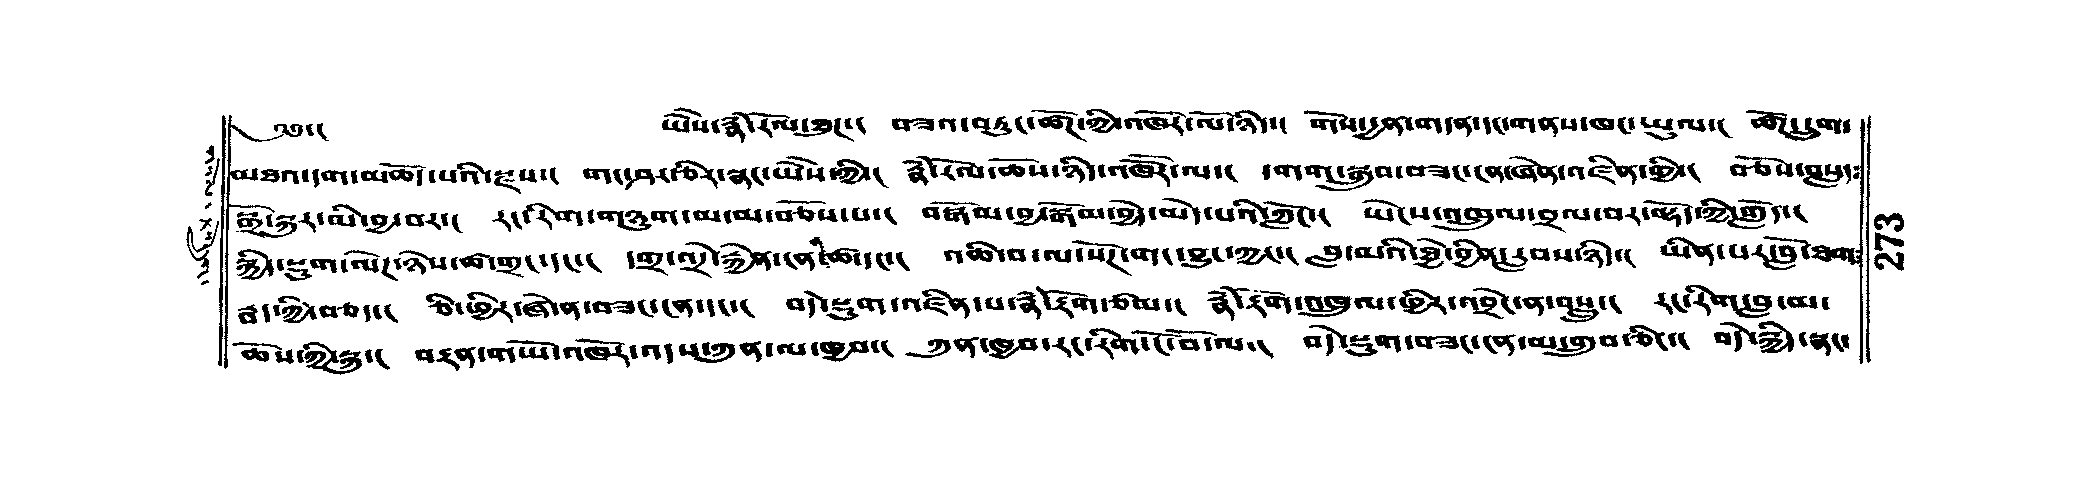ཡེ་ཤེས་རྣམ་རོལ་ཐུགས། །བཟའ་བཏུང་ཚོགས་ཀྱི་འཁོར་ལོ་ཉིད། །གོས་རྒྱན་གདན་དང་གནས་ཁང་ཡུལ། །ཚོགས་དྲུག་
མཐའ་དག་མཆོད་པའི་རྫས། །གང་ཤར་ཅིར་སྣང་ཡེ་ཤེས་ཀྱི། །རྣམ་རོལ་ཆོས་ཉིད་འཁོར་ལོ་ལ། །དགག་སྒྲུབ་བཟང་ངན་ཞེན་འཛིན་གྱི། །བཅོས་བསླད་
སྒྲོ་སྐུར་མི་བྱ་བར། །རང་རིག་གཉུག་མ་མ་བཅོས་པ། །བསྒོམ་བྱ་སྒོམ་བྱེད་མེད་པའི་ཀློང་། །ཡེངས་འཁྲུལ་བྲལ་བར་ལྷོད་ཀྱི་གློད། །
སྐྱིད་སྡུག་ལེགས་ཉེས་ཚ་གྲང་དང་། །དགྲ་འདྲེ་རྐྱེན་ངན་ན་ཚ་དང་། །འཆི་བ་ལ་སོགས་གང་བྱུང་ཀྱང་། །བླ་མའི་ཐུགས་རྗེ་བྱིན་རླབས་ཉིད། །ཡིན་པར་བློ་ཐག་
རྦད་ཀྱི་བཅད། །ཅི་ཕྱིར་ཞེ་ན་བཟང་ངན་དང་། །བདེ་སྡུག་འཛིན་པ་རྣམ་རྟོག་ཙམ། །རྣམ་རྟོགས་འཁྲུལ་ཕྱིར་འབྲེང་ན་བསླུ། །རང་རིག་བླ་མ་
ཆོས་ཀྱི་སྐུ། །བརྟན་གཡོ་འཁོར་འདས་ཀུན་ལ་ཁྱབ། །ཀུན་ཁྱབ་རང་རིག་ངོ་བོ་ལ། །བདེ་སྡུག་བཟང་ངན་མ་གྲུབ་ཅིང་། །བདེ་སྐྱིད་སྣང་